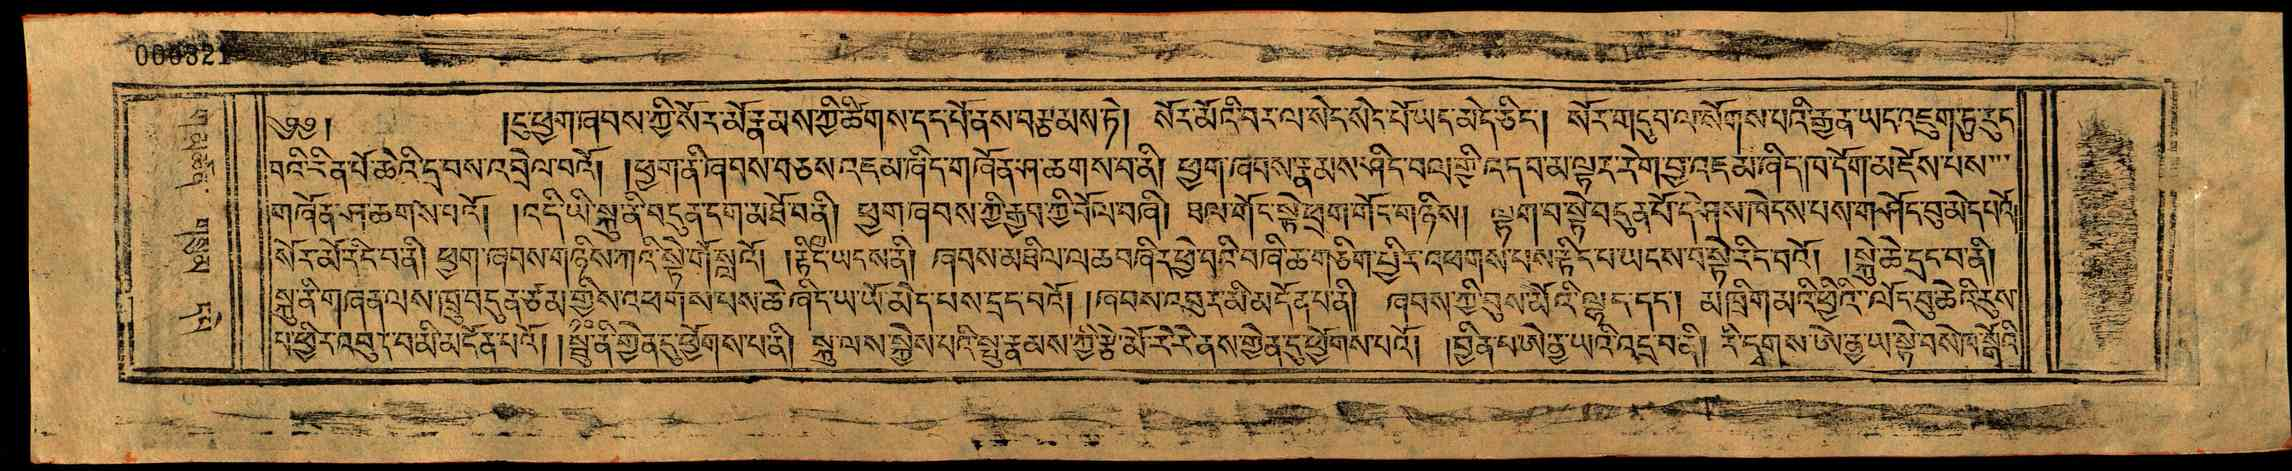༄༅། །དུ་ཕྱག་ཞབས་ཀྱི་སོར་མོ་རྣམས་ཀྱི་ཚིགས་དང་པོ་ནས་བརྩམས་ཏེ། སོར་མོའི་བར་ལ་སེང་སེང་པོ་ཡང་མེད་ཅིང་། སོར་གདུབ་ལ་སོགས་པའི་རྒྱན་ཡང་འཇུག་ཏུ་ཟུང་
བའི་རིན་པོ་ཆེའི་དྲ་བས་འབྲེལ་བའོ། །༤་ཕྱག་ན་ཞབས་བཅས་འཇམ་ཞིང་གཞོན་ཤ་ཆགས་པ་ནི། ཕྱག་ཞབས་རྣམས་ཤིང་བལ་གྱི་འདབ་མ་ལྟར་རེག་བྱ་འཇམ་ཞིང་ཁ་དོག་མཛེས་པས་
གཞོན་ཤ་ཆགས་བའོ། །༥་འདི་ཡི་སྐུ་ནི་བདུན་དག་མཐོ་བ་ནི། ཕྱག་ཞབས་ཀྱི་རྒྱབ་ཀྱི་བོལ་བཞི། ཐལ་གོང་སྟེ་ཕྲག་གོང་གཉིས། ལྟག་པ་སྟེ་བདུན་པོ་དེ་ཤས་ཁེངས་པས་གཤོང་བུ་མེད་པའོ་
༦་སོར་མོ་རིང་བ་ནི། ཕྱག་ཞབས་གཉིས་ཀའི་སྟེ་གོ་སླའོ། །༧་རྟིང་ཡངས་ནི། ཞབས་མཐིལ་ལ་ཆ་བཞིར་ཕྱེ་བའི་བཞི་ཆ་གཅིག་ཕྱིར་འཕགས་པས་རྟིང་པ་ཡངས་བ་སྟེ་རིང་བའོ། །སྐུ་ཆེ་དྲང་བ་ནི།
སྐུ་ནི་གཞན་ལས་ཁྲུ་བདུན་ཙམ་གྱིས་འཕགས་པས་ཆེ་ཞིང་ཡ་ཡོ་མེད་པས་དྲང་པའོ། །༩་ཞབས་འབུར་མི་མངོན་པ་ནི། ཞབས་ཀྱི་པུས་མོའི་ལྷ་ང་དང་། མཁྲིག་མའི་ཕྱིའི་ལོང་བུ་ཆེའི་རུས་
བ་ཕྱིར་འབུར་བ་མི་མངོན་པའོ། །༡༠་སྤུ་ནི་གྱེན་དུ་ཕྱོགས་པ་ནི། སྐུ་ལས་སྐྱེས་པའི་སྤུ་རྣམས་ཀྱི་རྩེ་མོ་རེ་རེ་ནས་གྱེན་དུ་ཕྱོགས་པའོ། །༡༡་བྱིན་པ་ཨེ་ནྱ་ཡའི་འདྲ་བ་ནི། རི་དྭགས་ཨེ་ནྱ་ཡ་སྟེ་བསེལ་སྒོའི་